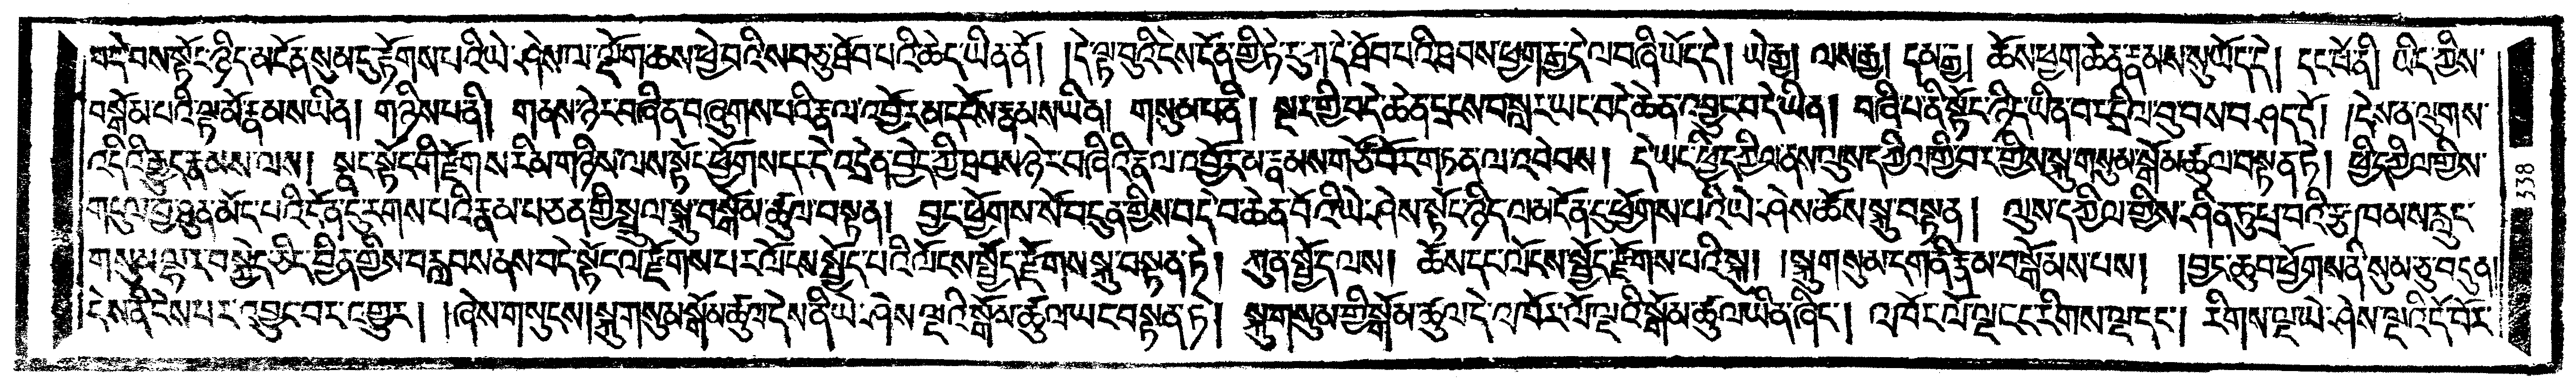བདེ་བས་སྟོང་ཉིད་མངོན་སུམ་དུ་རྟོགས་པའི་ཡེ་ཤེས་ལ་ལྡོག་ཆས་ཕྱེ་བའི་ས་བཅུ་ཐོབ་པའི་ཆེད་ཡིན་ནོ། །དེ་ལྟ་བུའི་ངེས་དོན་གྱི་ཏེ་རུ་ཀ་དེ་ཐོབ་པའི་ཐབས་ཕྱག་རྒྱ་དེ་ལ་བཞི་ཡོད་དེ། ཡེ་རྒྱ། ལས་རྒྱ། དམ་རྒྱ། ཆོས་ཕྱག་ཆེན་རྣམས་སུ་ཡོད་དེ། དང་པོ་ནི། ཡིད་ཀྱིས་
བསྒོམ་པའི་ལྟ་མོ་རྣམས་ཡིན། གཉིས་པ་ནི། གནས་ཉེར་བཞིན་བཞུགས་པའི་རྣལ་འབྱོར་མ་དངོས་རྣམས་ཡིན། གསུམ་པ་ནི། སྔར་གྱི་བདེ་ཆེན་དྲངས་བསླར་ཡང་བདེ་ཆེན་འབྱུང་བ་དེ་ཡིན། བཞི་པ་ནི་སྟོང་ཉིད་ཡིན་པར་དྲིལ་བུ་བས་བཤད་དོ། །དེས་ན་ལུགས་
འདིའི་རྒྱུད་རྣམས་ལས། སྣང་སྟོང་གི་རྫོགས་རིམ་གཉིས་ལས་སྟོང་ཕྱོགས་དང་དེ་འདྲེན་བྱེད་ཀྱི་ཐབས་ཉེར་བཞིའི་རྣལ་འབྱོར་མ་རྣམས་གཙོ་བོར་གཏན་ལ་འབེབས། དེ་ཡང་ཕྱི་དཀྱིལ་ནས་ལུས་དཀྱིལ་གྱི་བར་གྱིས་སྐུ་གསུམ་སྒོམ་ཚུལ་བསྟན་ཏེ། ཕྱི་དཀྱིལ་གྱིས་
གདུལ་བྱ་ཐུན་མོང་པའི་དོན་དུ་རགས་པའི་རྣམ་པ་ཅན་གྱི་སྤྲུལ་སྐུ་བསྒོམ་ཚུལ་བསྟན། བྱང་ཕྱོགས་སོ་བདུན་གྱིས་བདེ་བ་ཆེན་པོའི་ཡེ་ཤེས་སྟོང་ཉིད་ལ་མངོན་དུ་ཕྱོགས་པའི་ཡེ་ཤེས་ཆོས་སྐུ་བསྟན། ལུས་དཀྱིལ་གྱིས་ཤིན་ཏུ་ཕྲ་བའི་རྩ་ཁམས་རླུང་
གསུམ་ལྷར་བསྐྱེད་ཅིང་བྱིན་གྱིས་བརླབས་ནས་བདེ་སྟོང་ལ་རྫོགས་པར་ལོངས་སྤྱོད་པའི་ལོངས་སྤྱོད་རྫོགས་སྐུ་བསྟན་ཏེ། ཀུན་སྤྱོད་ལས། ཆོས་དང་ལོངས་སྤྱོད་རྫོགས་པའི་སྐུ། །སྐུ་གསུམ་དག་ནི་རྣམ་བསྒོམས་པས། །བྱང་ཆུབ་ཕྱོགས་ནི་སུམ་ཅུ་བདུན།
དེས་ནི་ངེས་པར་འབྱུང་བར་འགྱུར། །ཞེས་གསུངས། སྐུ་གསུམ་སྒོམ་ཚུལ་དེས་ནི་ཡེ་ཤེས་ལྔའི་སྒོམ་ཚུལ་ཡང་བསྟན་ཏེ། སྐུ་གསུམ་གྱི་སྒོམ་ཚུལ་དེ་འཁོར་ལོ་ལྔའི་སྒོམ་ཚུལ་ཡིན་ཞིང་། འཁོར་ལོ་ལྔ་དང་རིགས་ལྔ་དང་། རིགས་ལྔ་ཡེ་ཤེས་ལྔའི་ངོ་བོར་